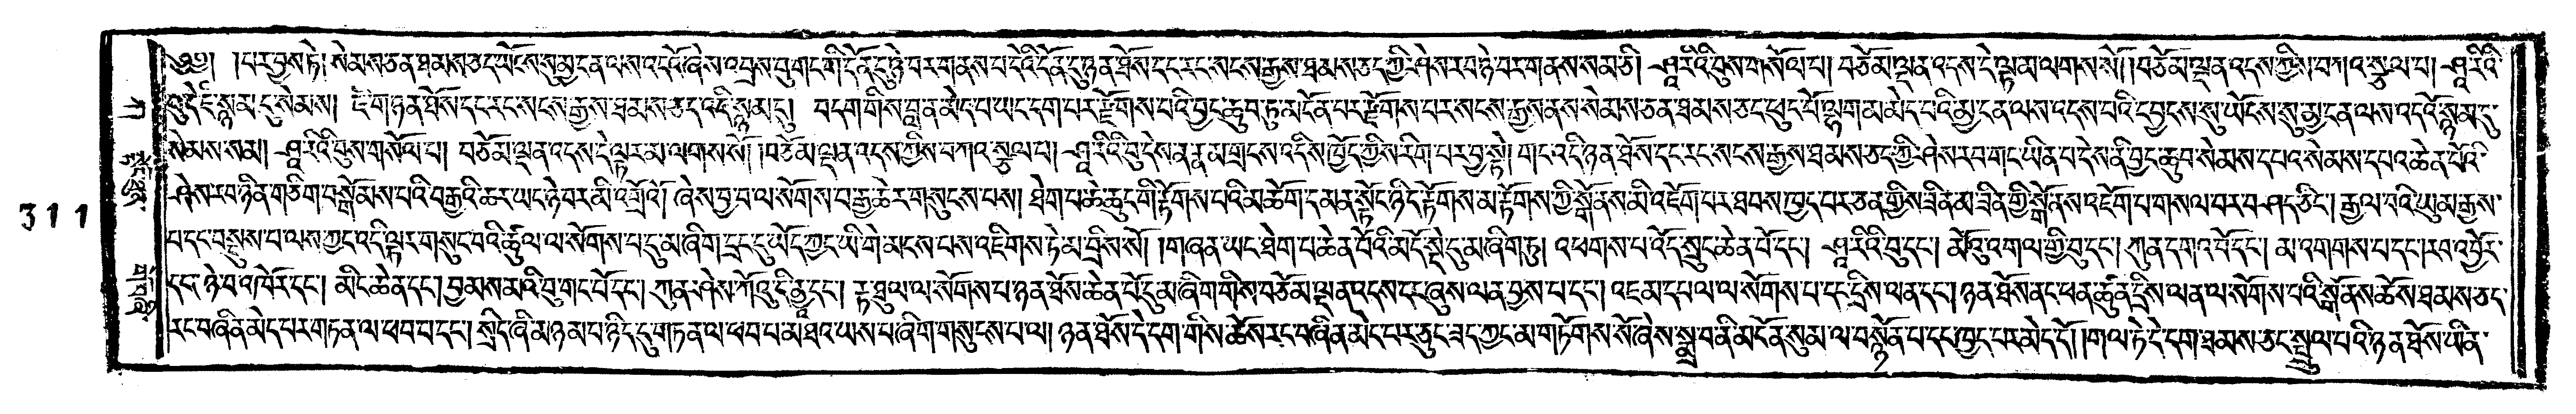༄༅། །བར་བྱས་ཏེ། སེམས་ཅན་ཐམས་ཅད་ཡོངས་སུ་མྱ་ངན་ལས་འདའོ་ཞེས་འབྲས་བུ་གང་གི་དོན་དུ་ཉེ་བར་གནས་པ་དེའི་དོན་དུ་ཉན་ཐོས་དང་རང་སངས་རྒྱས་ཐམས་ཅད་ཀྱི་ཤེས་རབ་ཉེ་བར་གནས་སམ་ཅི། ཤཱ་རིའི་བུས་གསོལ་བ། བཅོམ་ལྡན་འདས་དེ་ལྟ་མ་ལགས་སོ། བཅོམ་ལྡན་འདས་ཀྱིས་བཀའ་སྩལ་པ། ཤཱ་རིའི་
བུ་དེ་ཇི་སྙམ་དུ་སེམས། ཇི་གཉན་ཐོས་དང་རང་སངས་རྒྱས་ཐམས་ཅད་འདི་སྙམ་དུ། བདག་གིས་བླ་ན་མེད་པ་ཡང་དག་པར་རྫོགས་པའི་བྱང་ཆུབ་ཏུ་མངོན་པར་རྫོགས་པར་སངས་རྒྱས་ནས་སེམས་ཅན་ཐམས་ཅད་ཕུང་པོ་ལྷག་པ་མེད་པའི་མྱ་ངན་ལས་འདས་པའི་དབྱངས་སུ་ཡོངས་སུ་མྱ་ངན་ལས་འདའོ་སྙམ་དུ་
སེམས་སམ། ཤཱ་རིའི་བུས་གསོལ་པ། བཅོམ་ལྡན་འདས་དེ་ལྟར་མ་ལགས་སོ། །བཅོམ་ལྡན་འདས་ཀྱིས་བཀའ་སྩལ་པ། ཤཱ་རིའི་བུ་དེས་ན་རྣམ་གྲངས་འདིས་ཁྱོད་ཀྱིས་རིག་པར་བྱ་སྟེ། གང་འདི་ཉན་ཐོས་དང་རང་སངས་རྒྱས་ཐམས་ཅད་ཀྱི་ཤེས་རབ་གང་ཡིན་བ་དེས་ནི་བྱང་ཆུབ་སེམས་དཔའ་སེམས་དཔའ་ཆེན་པོའི་
ཤེས་རབ་ཉིན་གཅིག་བསྒོམས་པའི་བརྒྱའི་ཆར་ཡང་ཉེ་བར་མི་འགྲོའོ། ཞེས་བྱ་བ་ལ་སོགས་བརྒྱ་ཆེར་གསུངས་པས། ཐེག་པ་ཆེ་ཆུང་གི་རྟོགས་པའི་མཆོག་དམན་སྟོང་ཉིད་རྟོགས་མ་རྟོགས་ཀྱི་སྒོ་ནས་མི་འཇོག་པར་ཐབས་ཁྱད་པར་ཅན་གྱིས་ཟིན་གྱི་སྒོ་ནས་འཇོག་པ་གསལ་བར་བཤད་ཅིང་། རྒྱལ་བའི་ཡུམ་རྒྱས་
པ་དང་བསྡུས་པ་ལས་ཀྱང་འདི་ལྟར་གསུངས་པའི་ཚུལ་ལ་སོགས་པ་དུ་མ་ཞིག་དྲང་དུ་ཡོད་ཀྱང་ཡི་གེ་མངས་བས་འཇིགས་ཏེ་མ་བྲིས་སོ། །གཞན་ཡང་ཐེག་པ་ཆེན་པོའི་མདོ་སྡེ་དུ་མ་ཞིག་ཏུ། འཕགས་པ་འོད་སྲུང་ཆེན་པོ་དང་། ཤཱ་རིའི་བུ་དང་། མོའུ་འགལ་གྱི་བུ་དང་། ཀུན་དགའ་བོ་དང་། མ་འགགས་པ་དང་། རབ་འབྱོར་
དང༑ ཉེ་བ་འཁོར་དང་། མིང་ཆེན་དང་། བྱམས་མའི་བུ་གང་བོ་དང་། ཀུན་ཤེས་ཀོའུ་དི་ནྱཱ་དང་། རྟ་ཐུལ་ལ་སོགས་པ་ཉན་ཐོས་ཆེན་པོ་དུ་མ་ཞིག་གིས་བཅོམ་ལྡན་འདས་དང་ཞུས་ལན་བྱས་པ་དང་། འཇམ་དཔལ་ལ་སོགས་པ་དང་དྲིས་ལན་དང་། ཉན་ཐོས་ནང་ཕན་ཚུན་དྲིས་ལན་ལ་སོགས་པའི་སྒོ་ནས་ཆོས་ཐམས་ཅད་
རང་བཞིན་མེད་པར་གཏན་ལ་ཕབ་པ་དང་། སྲིད་ཞི་མཉམ་པ་ཉིད་དུ་གཏན་ལ་ཕབ་པ་མཐའ་ཡས་པ་ཞིག་གསུངས་པ་ལ། ཉན་ཐོས་དེ་དག་གིས་ཆོས་རང་བཞིན་མེད་པར་ཅུང་ཟད་ཀྱང་མ་གཏོགས་སོ་ཞེས་སྨྲ་བ་ནི་མངོན་སུམ་ལ་བསྙོན་པ་དང་ཁྱད་པར་མེད་དོ། །གལ་ཏེ་དེ་དག་ཐམས་ཅད་སྤྲུལ་པའི་ཉན་ཐོས་ཡིན་